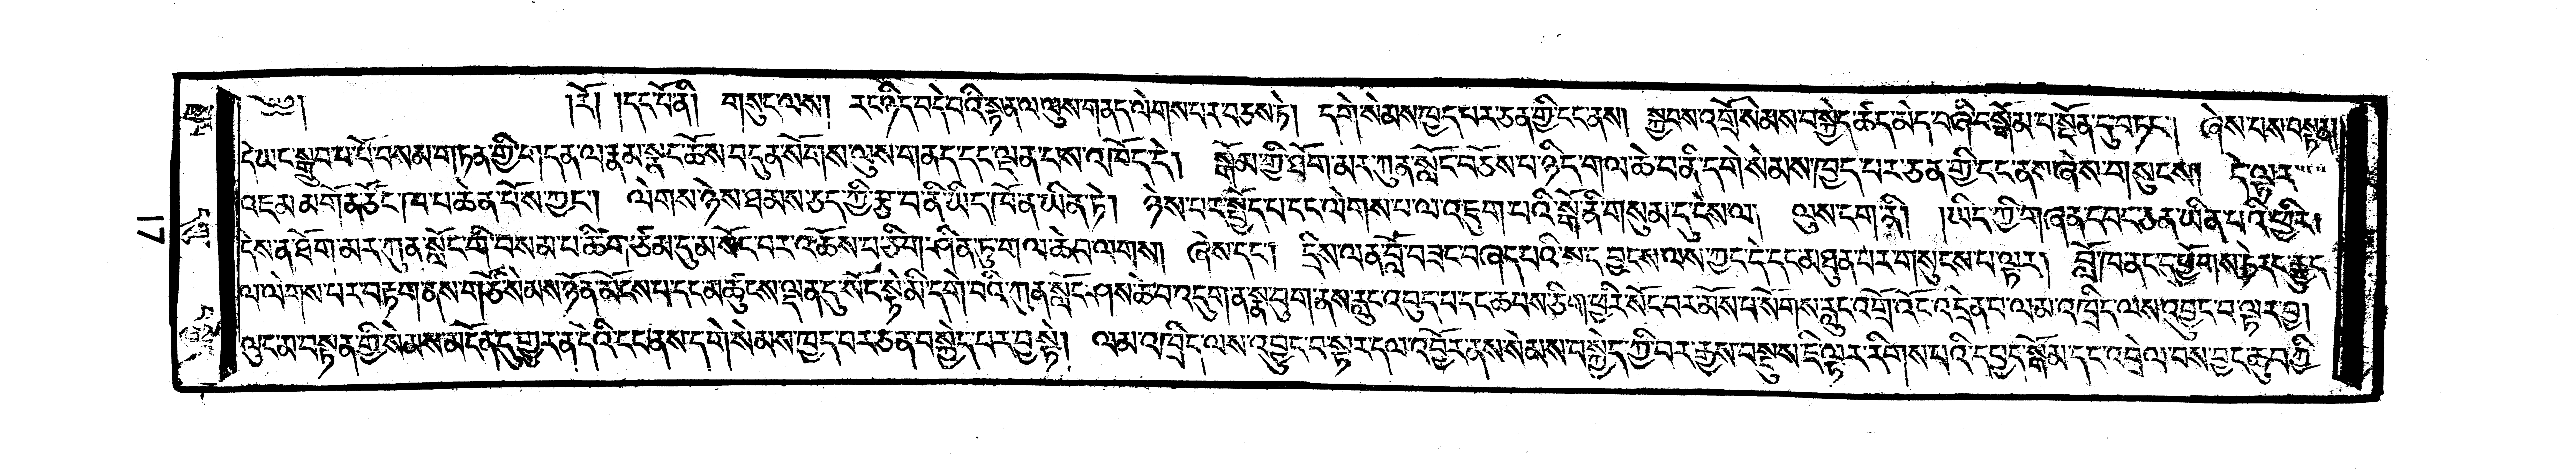༄༅། །རོ། །དང་པོ་ནི། གསུང་ལས། རང་ཉིད་བདེ་བའི་སྟན་ལ་ལུས་གནད་ལེགས་པར་བཅས་ཏེ། དགེ་སེམས་ཁྱད་པར་ཅན་གྱི་ངང་ནས། སྐྱབས་འགྲོ་སེམས་བསྐྱེད་ཚད་མེད་བཞི་བསྒོམ་པ་སྔོན་དུ་བཏང་། ཞེས་པས་བསྟན།
དེ་ཡང་སྒྲུབ་པ་པོ་བསམ་གཏན་གྱི་གདན་ལ་རྣམ་སྣང་ཆོས་བདུན་སོགས་ལུས་གནད་དང་ལྡན་པས་འཁོད་དེ། སྒོམ་གྱི་ཐོག་མར་ཀུན་སློང་བཅོས་པ་ཉིད་གལ་ཆེ་བ་ནི་དགེ་སེམས་ཁྱད་པར་ཅན་གྱི་ངང་ནས་ཞེས་གསུངས། དེ་ལྟར་
འཇམ་མགོན་ཙོང་ཁ་པ་ཆེན་པོས་ཀྱང་། ལེགས་ཉེས་ཐམས་ཅད་ཀྱི་རྩ་བ་ནི་ཡིད་ཁོ་ན་ཡིན་ཏེ། ཉེས་པར་སྤྱོད་པ་དང་ལེགས་པ་ལ་འཇུག་པའི་སྒོ་ནི་གསུམ་དུ་ངེས་ལ། ལུས་ངག་ནི། ཡིད་ཀྱི་གཞན་དབང་ཅན་ཡིན་པའི་ཕྱིར་རོ།།
དེས་ན་ཐོག་མར་ཀུན་སློང་གི་བསམ་པ་ཚིག་ཙམ་དུ་མ་སོང་བར་འཆོས་པ་ཅིག་ཤིན་ཏུ་གལ་ཆེ་བ་ལགས། ཞེས་དང་། དྲིས་ལན་བློ་བཟང་བཞད་པའི་སྒྲ་དབྱངས་ལས་ཀྱང་དེ་དང་མཐུན་པར་གསུངས་པ་ལྟར། བློ་ཁ་ནང་དུ་ཕྱོགས་ཏེ་རང་རྒྱུད་
ལ་ལེགས་པར་བརྟག་ནས་གཙོ་སེམས་ཉོན་མོངས་པ་དང་མཚུངས་ལྡན་དུ་སོང་སྟེ་མི་དགེ་བའི་ཀུན་སློང་ཤས་ཆེ་བ་འདུག་ན་སྣ་བུ་གནས་རླུང་འབུད་པ་དང་ཆབས་ཅིག་ཕྱིར་སོང་བར་མོས་པ་སོགས་རླུང་འགྲོ་འོང་འདྲེན་པ་ལམ་འཁྲིད་ལས་འབྱུང་བ་ལྟར་བྱ།
ལུང་མ་བསྟན་གྱི་སེམས་མངོན་དུ་གྱུར་ན་དེའི་ངང་ནས་དགེ་སེམས་ཁྱད་པར་ཅན་བསྐྱེད་པར་བྱ་སྟེ། ལམ་འཁྲིད་ལས་འབྱུང་བ་ལྟར་དལ་འབྱོར་ནས་སེམས་བསྐྱེད་ཀྱི་བར་རྒྱས་བསྡུས་ཇི་ལྟར་རིགས་པའི་དཔྱད་སྒོམ་དང་འབྲེལ་བས་བྱང་ཆུབ་ཀྱི་